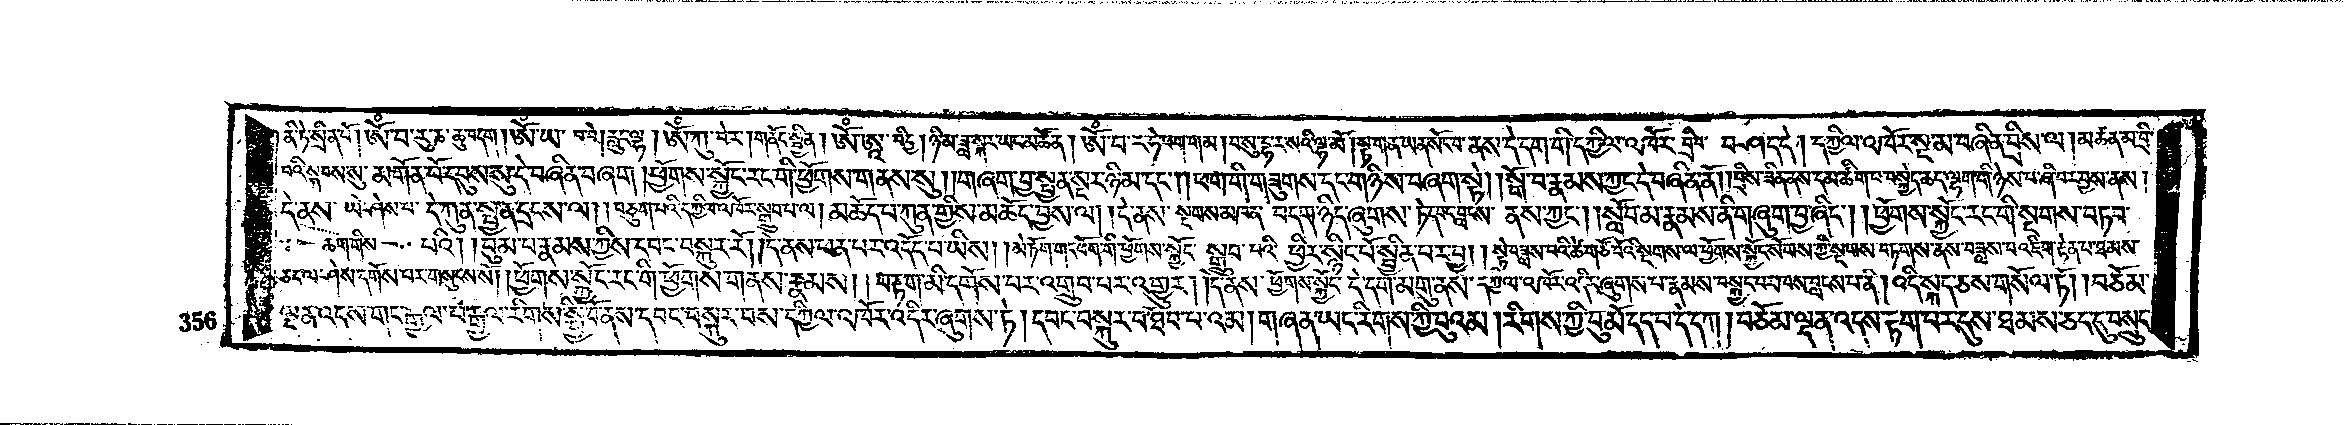ནི་ཏེ་སྲིན་པོ། ཨོཾ་བ་རུ་ཎ་ཆུ་བདག །ཨོཾ་ཡ་བ་བེ། རླུང་ལྷ། ཨོཾ་ཀུ་བེ་ར། གནོད་སྦྱིན། ཨོཾ་ཨཱ་བིདྱ། ཉི་མ་ཟླ་སྐར་ཡང་མཚོན།  ཨོཾ་བ་ར་ཧེ་ཕག་གམ། བ་སུ་དྷ་ར་སའི་ལྷ་མོ། སྟ་གན་ཡན་སོང་བ་ནས་དེ་དག་གི་དཀྱིལ་འཁོར་བྲི་བ་བཤད་དེ། དཀྱིལ་འཁོར་སྔ་མ་བཞིན་བྲིས་ལ། མཚན་མ་བྲི་
བའི་སྐབས་སུ་མགོན་པོ་དབུས་སུ་དེ་བཞིན་བཞག །ཕྱོགས་སྐྱོང་རང་གི་ཕྱོགས་གནས་སུ། །གཞག་བྱ་སྤྱན་སྔར་ཉི་མ་དང་། །ཕག་གི་གཟུགས་དང་གཉིས་བཞག་སྟེ། །སྒོ་བ་རྣམས་ཀྱང་དེ་བཞིན་ནོ། །བྲིས་ཟིན་ནས་དམ་ཚིག་པ་བསྐྱེད་ཆད་ལྷག་གི་ཉེས་པ་ཞི་བར་བྱས་ནས།
དེ་ནས་ཡེ་ཤེས་པ་དེ་ཀུན་སྤྱན་དྲངས་ལ། །བཅུག་པའི་དཀྱིལ་འཁོར་སྒྲུབ་པ་ལ།  མཆོད་པ་ཀུན་གྱིས་མཆོད་བྱས་ལ། །དེ་ནས་སྔགས་མཁན་བདག་ཉིད་ཞུགས་ཏེ་དབང་བླངས་ནས་ཀྱང་། །སློབ་མ་རྣམས་ནི་གཞུག་བྱ་ཞིང་། །ཕྱོགས་སྐྱོང་རང་གི་སྔགས་བཏབ་
H.་ཆག་གིས་.H པའི། །བུམ་པ་རྣམས་ཀྱིས་དབང་བསྐུར་རོ། །དེ་ནས་ཕན་པར་འདོད་པ་ཡིས། །མེ་ཏོག་གང་ཕོག་གི་ཕྱོགས་སྐྱོང་སྒྲུབ་པའི་ཕྱིར་སྙིང་པོ་སྦྱིན་པར་བྱ། །སྟེ་བཟླས་པའི་ཚེ་གཙོ་བོའི་སྔགས་ལ་ཕྱོགས་སྐྱོང་སོགས་ཀྱི་སྔགས་བཏགས་ནས་བཟླས་པ་འཇིག་རྟེན་པ་ཐམས་
ཅད་ལ་ཤེས་དགོས་པར་གསུངས་སོ། ། ཕྱོགས་སྐྱོང་རང་གི་ཕྱོགས་གནས་རྣམས། །བརྟག་མི་དགོས་པར་འགྲུབ་པར་འགྱུར། །དེ་ནས་།ཕྱོགས་སྐྱོང་དེ་དག་མགུ་ནས། དཀྱིལ་འཁོར་འདིར་ཞུགས་པ་རྣམས་བསྐྱང་བར་ཁས་བླངས་པ་ནི།  འདི་སྐད་ཅེས་གསོལ་ཏོ། །བཅོམ་
ལྡན་འདས་གང་རྒྱལ་པོ་རྒྱལ་རིགས་སྦྱི་བོ་ནས་དབང་བསྐུར་བས་དཀྱིལ་འཁོར་འདིར་ཞུགས་ཏེ། དབང་བསྐུར་བ་ཐོབ་པའམ། གཞན་ཡང་རིགས་ཀྱི་བུའམ། རིགས་ཀྱི་བུ་མོ་དད་པ་དེ་དག །བཅོམ་ལྡན་འདས་རྟག་པར་དུས་ཐམས་ཅད་དུ་བསྲུང་